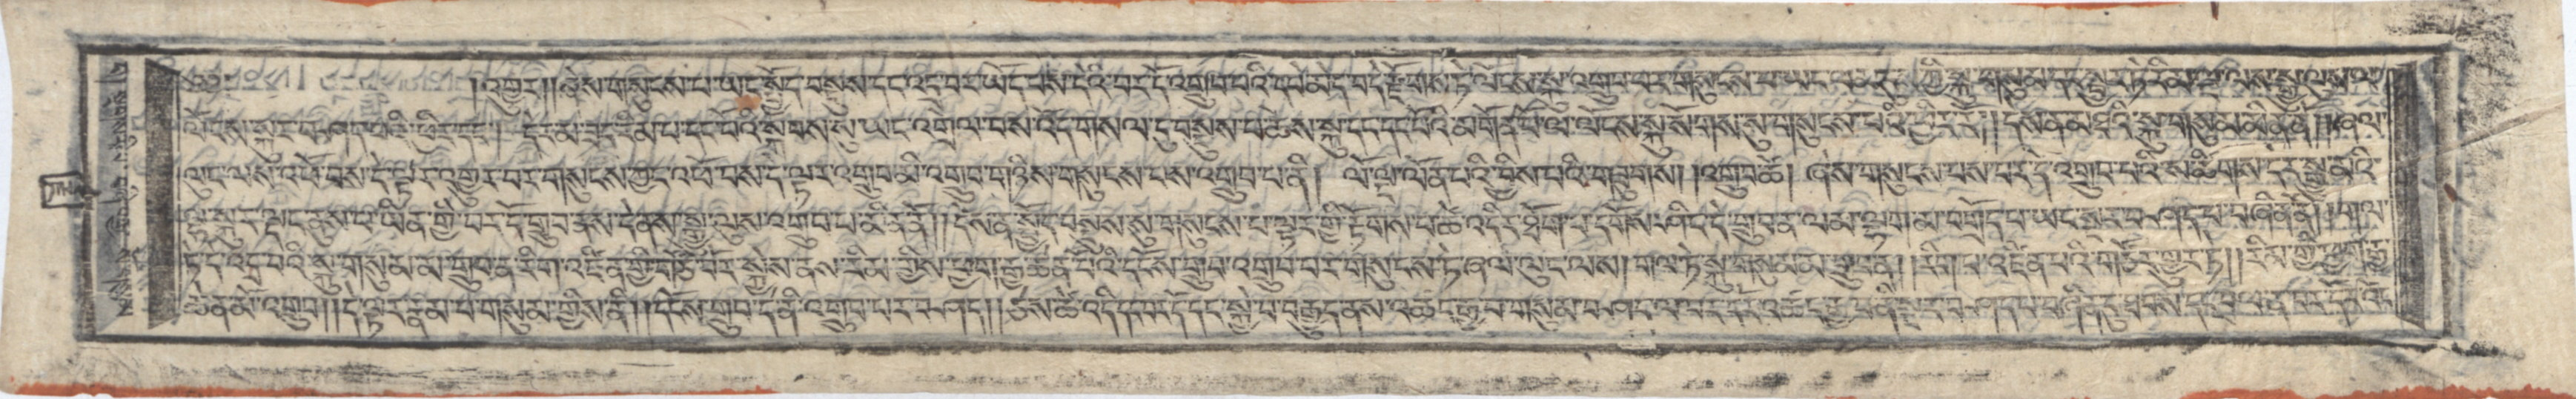༄༅། །འགྱུར། །ཞེས་གསུངས་པ་ཡང་སྤྱོད་བསྡུས་དང་འདྲ་བར་ཡོད་པས་དེའི་བར་དོ་འགྲུབ་པའི་དཔེ་མེད་བདེ་རྫོགས་ཏེ་ལོངས་སྐུ་འགྲུབ་པར་གསུངས་པ་ཡང་ལམ་དུས་ཀྱི་སྐུ་གསུམ་དང་སྦྱར་ཏེ་རིམ་ལྔ་ལས་སྒྱུ་ལུས་ལ་
ལོངས་སྐུར་བཤད་པའི་ཕྱིར་དང་། དེར་མ་ཟད་རིམ་པ་དང་པོའི་སྐབས་སུ་ཡང་འགྲེལ་བས་འོད་གསལ་དུ་བསྡུས་པ་ཆོས་སྐུ་དང་དང་པོའི་མགོན་པོ་ལ་ལོངས་སྐུ་སོགས་སུ་གསུངས་པའི་ཕྱིར་རོ། །དེས་ན་མཐའི་སྐུ་གསུམ་མིན་ནོ། །ཞལ་
ལུང་ལས་འཕོ་བས་དེ་ལྟར་འགྱུར་བར་གསུངས་ཀྱང་འཕོ་བས་དེ་ལྟར་འགྲུབ་མི་འགྲུབ་གཉིས་གསུངས་པས་འགྲུབ་པ་ནི། ལོ་ལྔ་ལོན་པའི་བྱིས་པའི་གཟུགས། །འགྲུབ་ཚེ། ཞེས་གསུངས་པས་བར་དོ་འགྲུབ་པའི་ས་ཚིགས་དེར་སྒྱུ་མའི་
ལྷ་སྐུར་ལྡང་ནུས་པ་ཡིན་གྱི་བར་དོ་གྲུབ་ནས་དེ་ནས་སྒྱུ་ལུས་འགྲུབ་པ་མིན་ནོ། །དེས་ན་སྤྱོད་བསྡུས་སུ་གསུངས་པ་ལྟར་གྱི་རྟོགས་པ་ཚེ་འདིར་ཐོག་པ་དགོས་ཤིང་དེ་གྲུབ་ན་ལམ་ལྷག་མ་བགྲོད་པ་ཡང་སྔར་བཤད་པ་བཞིན་ནོ། །གལ་
ཏེ་དེ་འདྲ་བའི་སྐུ་གསུམ་མ་གྲུབ་ན་རིག་འཛིན་གྱི་གཙོ་བོར་སྐྱེས་ནས་རིམ་གྱིས་ཕྱག་རྒྱ་ཆེན་པོའི་དངོས་གྲུབ་འགྲུབ་པར་གསུངས་ཏེ་ཞལ་ལུང་ལས། གལ་ཏེ་སྐུ་གསུམ་མ་གྲུབ་ན། །རིག་པ་འཛིན་པའི་གཙོར་གྱུར་ཏེ། །རིམ་གྱི་ཕྱག་རྒྱ་
ཆེན་མོ་འགྲུབ། །དེ་ལྟར་རྣམ་པ་གསུམ་གྱིས་ནི། །དངོས་གྲུབ་དེ་ནི་འགྲུབ་པར་བཤད། །ཅེས་ཚེ་འདི་དང་བར་དོ་དང་སྐྱེ་བ་བརྒྱུད་ནས་འཚང་རྒྱ་བ་གསུམ་བཤད་ལ་བར་དོར་འཚང་རྒྱ་བ་ནི་སྔར་བཤད་པ་བཞིན་དུ་ཐབས་དང་བྲལ་ན་བར་དོར་འོང་